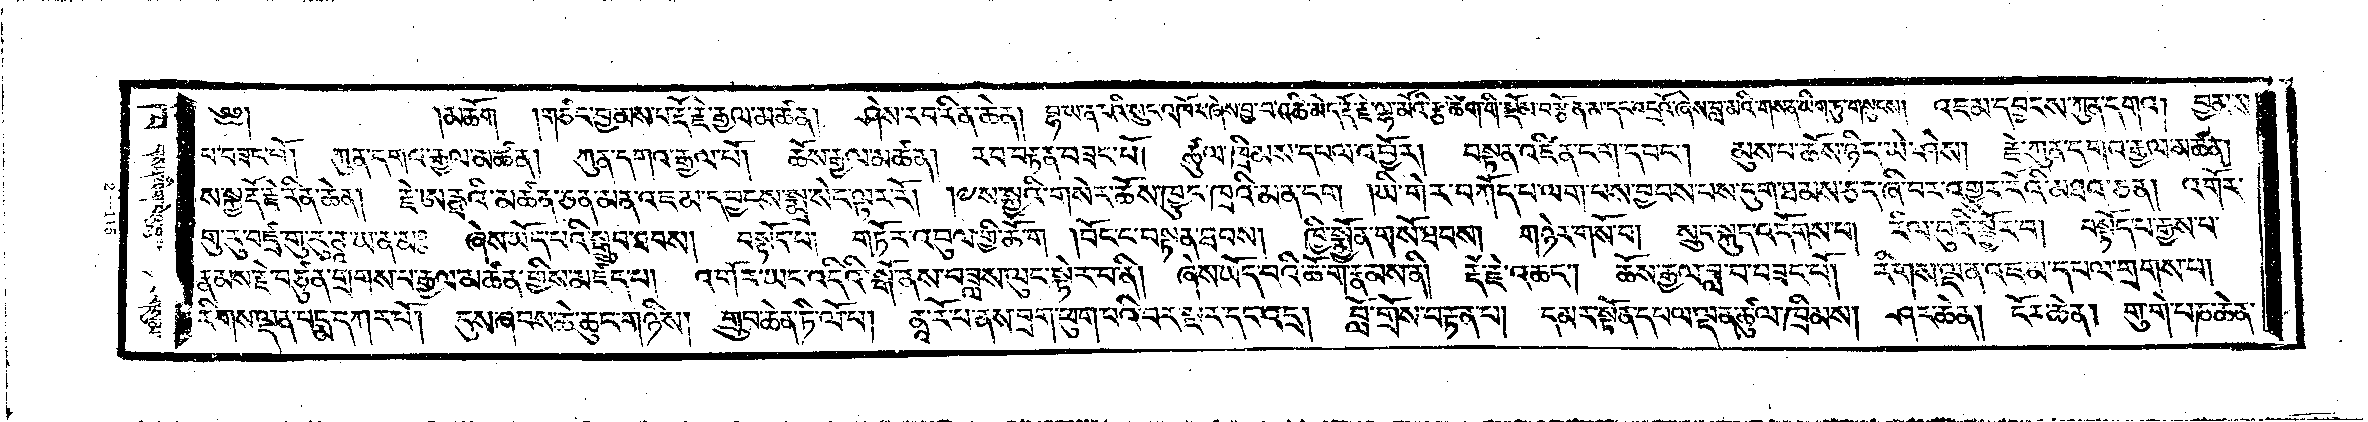༄༅། །མཆོག །གཙང་བྱམས་པ་རྡོ་རྗེ་རྒྱལ་མཚན། ཤེས་རབ་རིན་ཆེན། བྷ་ཡན་རའི་སྲུང་འཁོར་ཞེས་བྱ་བ་འཆི་མེད་རྡོ་རྗེ་ལྷ་མོའི་རྩ་ཚིག་གི་སྡོམ་བརྩོན་མ་དང་འདྲའོ་ཞེས་བླ་མའི་གསན་ཡིག་ཏུ་གསུངས།  འཇམ་དབྱངས་ཀུན་དགའ། བྱམས་
པ་བཟང་པོ། ཀུན་དགའ་རྒྱལ་མཚན། ཀུན་དགའ་རྒྱལ་པོ། ཆོས་རྒྱལ་མཚན། རབ་བརྟན་བཟང་པོ། ཚུལ་ཁྲིམས་དཔལ་འབྱོར། བསྟན་འཛིན་ངག་དབང་། མུས་པ་ཆོས་ཉིད་ཡེ་ཤེས། རྗེ་ཀུན་དགའ་རྒྱལ་མཚན།
ས་སྐྱ་རྡོ་རྗེ་རིན་ཆེན། རྗེ་ཨརྠའི་མཚན་ཅན་མན་འཇམ་དབྱངས་སྨྲ་སེང་ལྟར་རོ། །༧ས་སྐྱའི་གསེར་ཆོས་ཁྱུང་ཁྲའི་མན་ངག །ཡི་གེར་བཀོད་པ་ལག་པས་བྱབས་པས་དུག་ཐམས་ཅད་ཞི་བར་འགྱུར་རོའི་མཐའ་ཅན། འགོར་
གུ་རུ་བཛྲ་གུ་རུ་ཏཱ་ཡ་ན་མཿ ཞེས་ཡོད་པའི་སྒྲུབ་ཐབས། བསྟོད་པ། གཏོར་འབུལ་གྱི་ཆོ་ག །བོང་ང་བསྟན་ཐབས། ཁྱི་སྨྱོན་གསོ་ཐབས། གཉེར་གསོ་བ། སྲུང་སྐུད་འདོགས་པ། རིལ་བུའི་སྦྱོར་བ། བསྟོད་པ་རྒྱས་པ་
རྣམས་རྗེ་བཙུན་གྲགས་པ་རྒྱལ་མཚན་གྱིས་མཛད་པ། འགོར་ཡང་འདིའི་སྒོ་ནས་བཟླས་ལུང་སྟེར་བ་ནི། ཞེས་ཡོད་པའི་ཆོ་ག་རྣམས་ནི། རྡོ་རྗེ་འཆང་། ཆོས་རྒྱལ་ཟླ་བ་བཟང་པོ། རིགས་ལྡན་འཇམ་དཔལ་གྲགས་པ།
རིགས་ལྡན་པདམ་དཀར་པོ། དུས་ཞབས་ཆེ་ཆུང་གཉིས། གྲུབ་ཆེན་ཏི་ལོ་པ། ནཱ་རོ་པ་ནས་བྲག་ཕུག་པའི་བར་སྔར་དང་འདྲ། བློ་གྲོས་བརྟན་པ། དམར་སྟོན་དཔལ་ལྡན་ཚུལ་ཁྲིམས། ཤར་ཆེན། ངོར་ཆེན། གུ་གེ་པཎ་ཆེན་